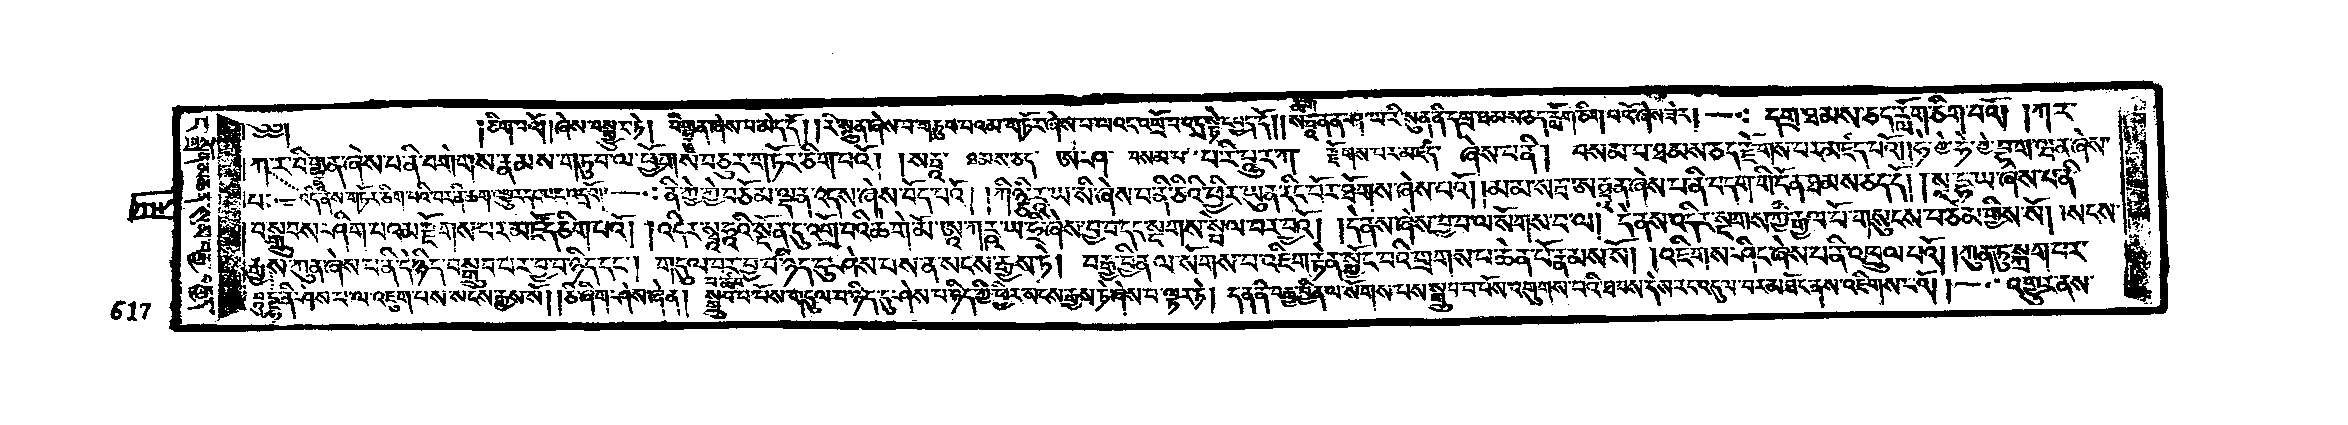༄༅། །ཅིག་པའོ། །ཞེས་བསྒྱུར་ཏེ། བིགྷྣཱན་ཞེས་པ་མེད་དོ། །རི་སཱུན་ཞེས་པ་གཏུབ་པའམ་གཏོར་ཞེས་པ་ལའང་འགྲོ་བ་འདྲ་སྟེ་དཔྱད་དོ། །ཆག་སརྦཱ་ན་ན་ཤ་ཡ་རི་སུན་ནི་དགྲ་ཐམས་ཅད་རློག་ཅིག་པའོ་ཞེས་ཟེར། .H དགྲ་ཐམས་ཅད་རློག་ཅིག་པའོ། །ཀ་ར་ཀ་ར་བིགྷྣཱན་ཞེས་པ་ནི་བགེགས་རྣམས་གཏུབ་ལ་ཕྱོགས་བཅུར་གཏོར་ཅིག་པའོ། །སརྦཱ་ཐམས་ཅད་ཨ་ཤ་བསམ་པ་པ་རི་པཱུ་ར་ཀ་རྫོགས་པར་མཛད་ཞེས་པ་ནི། བསམ་པ་ཐམས་ཅད་རྫོགས་པར་མཛད་པའོ། །ཧེ་ཀྱེ་ཧེ་ཀྱེ་བྷ་ག་ཝན་ཞེས་
པཿ་འདི་ནས་གཏོར་ཅིག་པའི་བར་ནི་ཆག་འགྱུར་དང་ཡང་འདྲའོ།།  .H ནི་ཀྱེ་ཀྱེ་བཅོམ་ལྡན་འདས་ཞེས་བོད་པའོ། །ཀིཉྩི་རཱ་ཡ་སི་ཞེས་པ་ནི་ཅིའི་ཕྱིར་ཡུན་རིང་པོར་ཐོགས་ཞེས་པའོ། །མ་མ་སརྦ་ཨརྠཱན་ཞེས་པ་ནི་བདག་གི་དོན་ཐམས་ཅད་དོ། །སཱ་དྷ་ཡ་ཞེས་པ་ནི་
བསྒྲུབས་ཤིག་པའམ་རྫོགས་པར་མཛོད་ཅིག་པའོ། །འདིར་སྭཱ་ཧཱའི་སྔོན་དུ་འགྲོ་བའི་ཆེ་གེ་མོ་ཨཱ་ཀརྵ་ཡ་ཧྲི་ཞེས་བྱ་བ་དང་སྔགས་སྤེལ་བར་བྱའོ། །དེ་ནས་ཞེས་བྱ་བ་ལ་སོགས་པ་ལ། དེ་ནས་འདིར་སྔགས་ཀྱི་རྒྱལ་པོ་གསུངས་པ་ཙམ་གྱིས་སོ། །སངས་
རྒྱས་ཀུན་ཞེས་པ་ནི་དེ་ཉིད་བསྒྲུབ་པར་བྱ་བ་ཉིད་དང་། གདུལ་བར་བྱ་བ་ཉིད་དུ་ཤེས་པས་ན་སངས་རྒྱས་ཏེ། བརྒྱ་བྱིན་ལ་སོགས་པ་འཇིག་རྟེན་སྐྱོང་བའི་གྲགས་པ་ཆེན་པོ་རྣམས་སོ། །འཇིགས་ཤིང་ཞེས་པ་ནི་འཁྲུལ་པའོ། །ཀུན་ཏུ་སྐྲག་པར་
བཱུདྡྷ་ནི་ཤེས་པ་ལ་འཇུག་པས་སངས་རྒྱས་སོ། །ཅི་ཞིག་ཤེས་ཞེ་ན། པ་ཚབ་སྒྲུབ་པ་པོས་གདུལ་བ་ཉིད་དུ་ཤེས་པ་ཉིད་ཀྱི་ཕྱིར་སངས་རྒྱས་ཏེ་ཞེས་པ་ལྟར་ཏེ། དོན་ནི་བརྒྱ་བྱིན་ལ་སོགས་པས་སྒྲུབ་པ་པོས་འགུགས་པའི་ཐབས་དེས་རང་འདུལ་བར་མཐོང་ནས་འཇིགས་པའོ།།  འགྱུར་ནས་